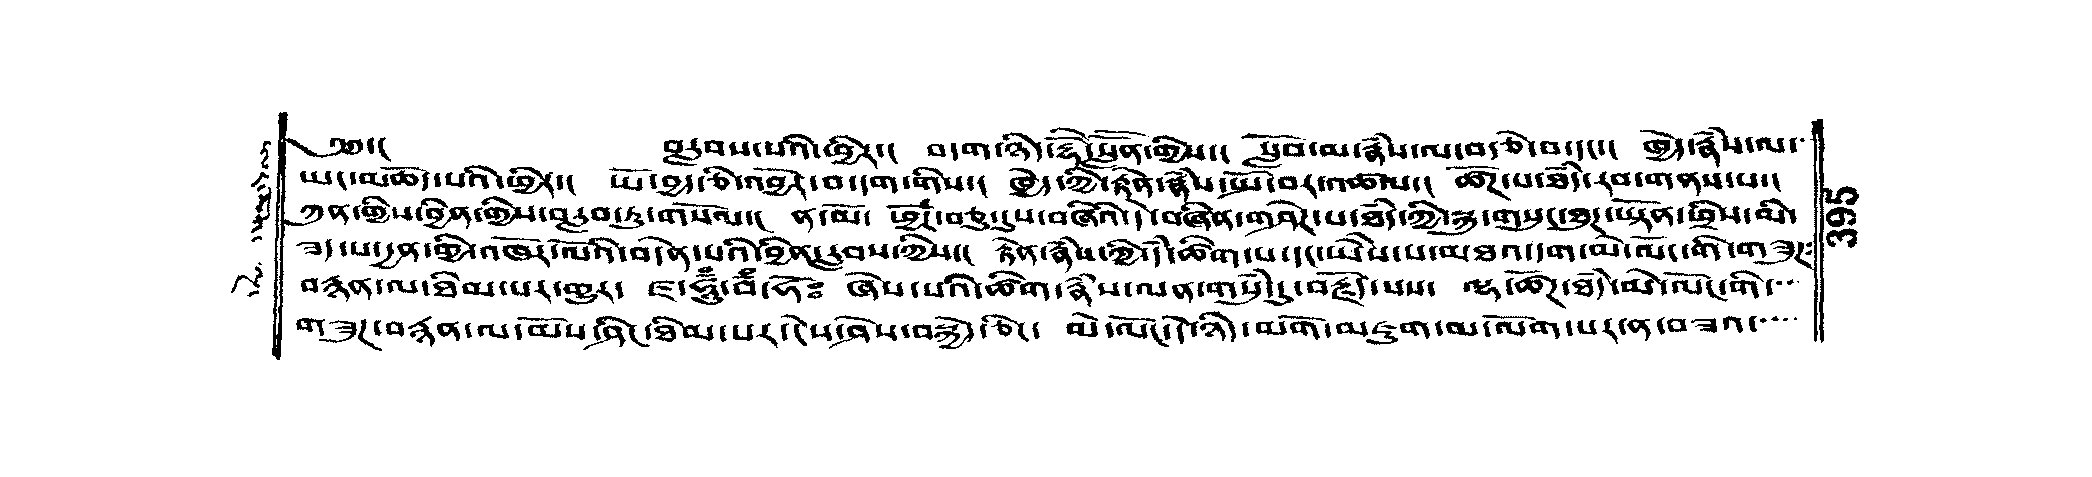བརླབས་པའི་ཕྱིར། །བདག་ཉིད་རྡོ་རྗེ་སློབ་དཔོན་གྱིས། །སློབ་མ་རྣམས་ལ་བརྩེ་བ་དང་། །ཁྱེད་རྣམས་ལ་
ཡང་མཆོད་པའི་ཕྱིར། །ཡོ་བྱད་ཅི་འབྱོར་བ་དག་གིས། །ཁྱེད་ཀྱི་རྟེན་རྣམས་སྤོ་བར་འཚལ། །ཚོགས་པ་ཐམས་ཅད་རབ་གནས་པ། །
ཀུན་གྱིས་བྱིན་གྱིས་བརླབ་ཏུ་གསོལ། ན་མོ། ཕྱོགས་བཅུ་དུས་བཞིའི་དེ་བཞིན་གཤེགས་པ་ཐམས་ཅད་ཀྱི་སྐུ་གསུང་ཐུགས་ཡོན་ཏན་ཕྲིན་ལས་མི་
ཟད་པ་རྒྱན་གྱི་འཁོར་ལོའི་བདེན་པའི་བྱིན་རླབས་ཀྱིས། རྟེན་རྣམས་ཀྱི་དམ་ཚིག་པ་དང་ཡེ་ཤེས་པ་མཐའ་དག་མེ་ལོང་གི་གཟུགས་
བརྙན་ལ་ཐིམ་པར་གྱུར། ཛ་ཧཱུྃ་བྃ་ཧོཿ ཞེས་པའི་ཚིག་རྣམས་ལན་གསུམ་དུ་བརྗོད་པས། ལྷ་ཚོགས་ཐམས་ཅད་མེ་ལོང་གི་
གཟུགས་བརྙན་ལ་མོས་ཤིང་ཐིམ་པར་ངེས་ཤེས་བསྐྱེད་ཅིང་། མེ་ལོང་དེ་ཉིད་མགོ་མཇུག་མ་ལོག་པར་ན་བཟའ་